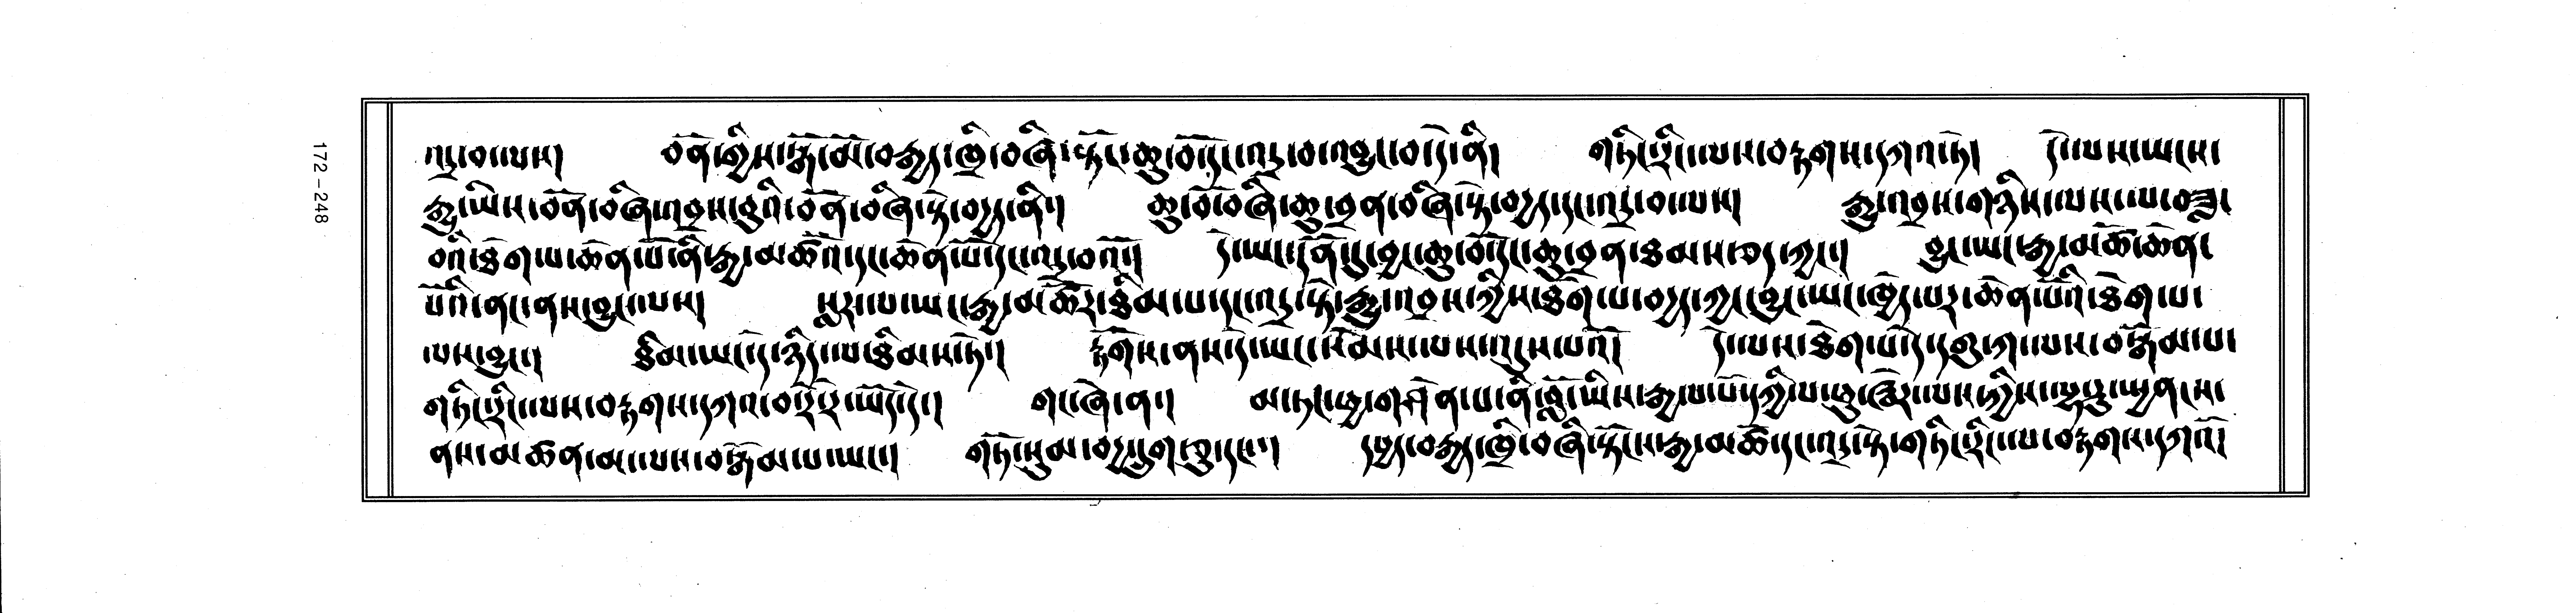འདྲ་བ་ལས། བོན་གྱིས་སྒོ་མོ་བརྒྱད་ཁྲི་བཞི་སྟོང་ཆུ་བོ་དང་འདྲ་བ་འབྱུང་བ་དེ་ནི། གཏིང་རིང་ལས་བརྟགས་དཀའ་ཏེ། དེ་ལས་ཡང་
རྒྱུ་ཡིས་བོན་བཞི་འབྲས་བུའི་བོན་བཞི་སྟེ་བརྒྱད་ནི། ཆུ་བོ་བཞི་ཆུ་བྲན་བཞི་སྟེ་བརྒྱད་དང་འདྲ་བ་ལས། རྒྱུ་འབྲས་གཉིས་ལས་ལ་བཟླ་
བའི་ཐེག་པ་ཆེན་པོ་ནི་རྒྱ་མཚོའ་དང་ཆེན་པོ་དང་འདྲ་བའོ། དེ་ཡང་དོན་དུ་བྱང་ཆུབ་བོ་དང་ཆུ་བྲན་ཐམས་ཅད་ཀྱང་། བྱུང་ཡང་རྒྱ་མཚོ་ཆེན་
པོའི་ནང་ནས་བྱུང་ལས། སླར་ལ་ཡང་རྒྱ་མཚོར་ཐིམ་པ་དང་སྟེ་རྒྱུ་འབྲས་ཀྱིས་ཐེག་པ་བརྒྱད་ཀྱང་བྱུང་ཡང་ཁྱེད་པར་ཆེན་པོའི་ཐེག་པ་
ལས་བྱུང་། ཐིམ་ཡང་དེ་ཉིད་ལ་ཐིམས་ཏེ། རྟོགས་ནས་དེ་ཡང་སེམས་ལས་འདུས་པའོ། དེ་ལས་ཐེག་པ་དེ་དགུ་ཀ་ལས་བསྒོམས་པ་
གཏིང་རིང་ལས་བརྟགས་དཀའ་བ་རེ་རེ་ཡོད་དེ། གང་ཞེ་ན། མ་ཏང་ཕྱ་གཤེན་པ་ནི་བློ་ཡིས་རྒྱལ་པོ་དཀྱིལ་ཕུ་ཝེར་ལས་ཀྱིས་ལྷ་རུ་སྤྱན་དྲངས་
ནས་མཚན་མ་ལས་བསྒོམ་པ་ཡང་། གཏོ་སུམ་བརྒྱ་དྲུག་ཅུ་དང་། དཔྱད་བརྒྱད་ཁྲི་བཞི་སྟོང་རྒྱ་མཚོ་དང་འདྲ་སྟེ་གཏིང་རིང་ལ་བརྟགས་དཀའོ།